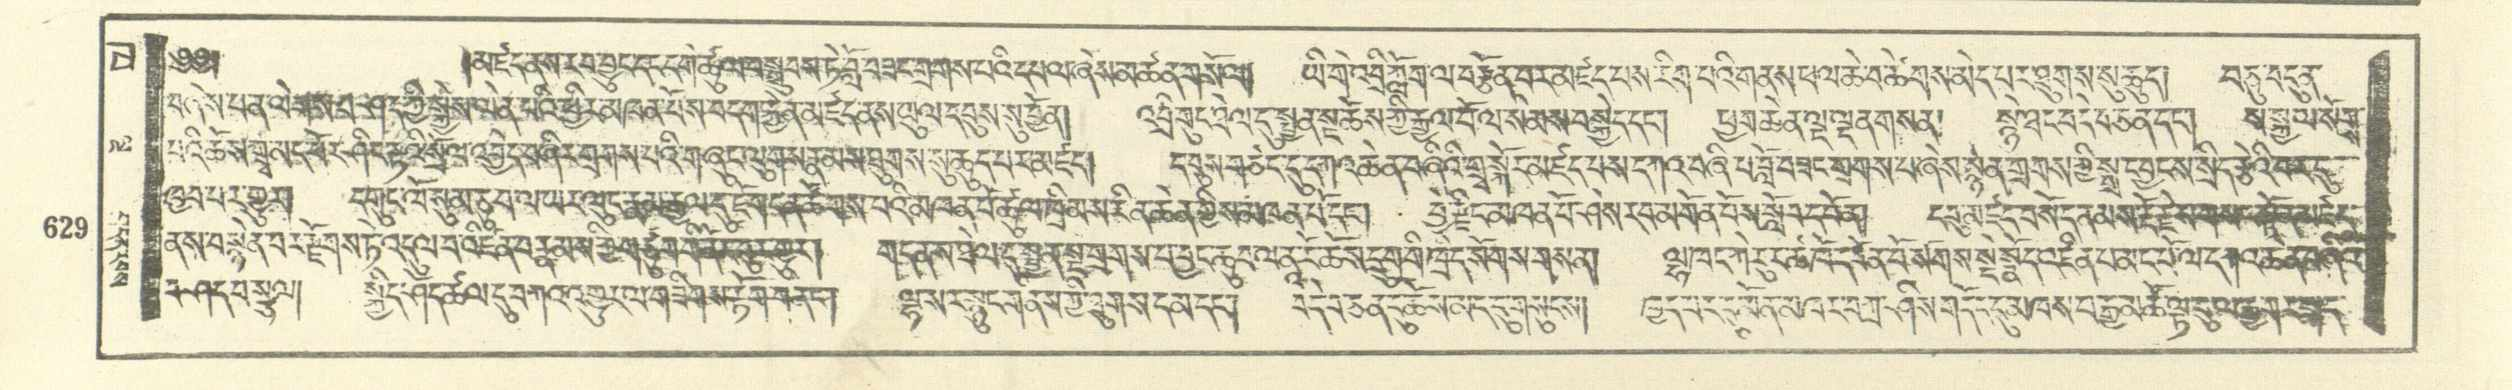༄༅། །མཛད་ནས་རབ་བྱུང་དང་དགེ་ཚུལ་བསྒྲུབས་ཏེ་བློ་བཟང་གྲགས་པའི་དཔལ་ཞེས་མཚན་གསོལ། ཡི་གེ་འབྲི་ཀློག་ལ་བརྩོན་པར་མཛད་པས་རིག་པའི་གནས་ཕལ་ཆེ་བ་ཚེགས་མེད་པར་ཐུགས་སུ་ཆུད། བཅུ་བདུན་
བཞེས་པ་ན་ལེགས་བཤད་ཀྱི་སྐྱེས་ལེན་པའི་ཕྱིར་མཁན་པོས་བདག་རྐྱེན་མཛད་ནས་ཡུལ་དབུས་སུ་བྱོན། འབྲི་གུང་ཐེང་དུ་སྤྱན་སྔ་ཆོས་ཀྱི་རྒྱལ་པོ་ལ་སེམས་བསྐྱེད་དང་། ཕྱག་ཆེན་ལྔ་ལྡན་གསན། སྙེ་ཐང་བདེ་བ་ཅན་དང་། ས་སྐྱ་ལ་སོགས་
པའི་ཆོས་གྲྭ་མང་པོར་ཤིང་རྟའི་སྲོལ་འབྱེད་བཞིར་གྲགས་པའི་གཞུང་ལུགས་རྣམས་ཐུགས་སུ་ཆུད་པར་མཛད། དབུས་གཙང་དུ་དཀའ་ཆེན་བཞིའི་གྲྭ་སྐོར་མཛད་པས་དཀའ་བཞི་པ་བློ་བཟང་གྲགས་པ་ཞེས་སྙན་གྲགས་ཀྱི་སྒྲ་དབྱངས་སྲིད་རྩེའི་བར་དུ་
ཁྱབ་པར་གྱུར། དགུང་ལོ་སུམ་ཅུ་པ་ལ་ཡར་ལུང་རྣམ་རྒྱལ་དུ་ཇོ་གདན་ཚོགས་པའི་མཁན་པོ་ཚུལ་ཁྲིམས་རིན་ཆེན་གྱིས་མཁན་པོ་དང་། བྱེ་རྫིང་མཁན་པོ་ཤེས་རབ་མགོན་པོས་སློབ་དཔོན། དབུ་མཛད་བསོད་ནམས་རྡོ་རྗེས་གསང་སྟོན་མཛད་
ནས་བསྙེན་པར་རྫོགས་ཏེ་འདུལ་བ་འཛིན་པ་རྣམས་ཀྱི་གཙུག་གི་ནོར་བུར་གྱུར། གདན་ས་ཐེལ་དུ་སྤྱན་སྔ་གྲགས་པ་བྱང་ཆུབ་ལ་ནཱ་རོ་ཆོས་དྲུག་གི་ཁྲིད་སོགས་གསན། ལྷ་ཁང་ཀེ་རུར་ཚ་ཁོ་དཔོན་པོ་སོགས་སྡེ་སྣོད་འཛིན་པ་མང་པོ་ལ་དཀའ་ཆེན་བཞིའི་
བཤད་པ་སྩལ། སྐྱིད་ཤོད་ཚལ་དུ་བཀའ་འགྱུར་ལ་གཟིགས་རྟོག་གནང་། ལྷ་སར་སྙུང་གནས་ཀྱི་ཐུགས་དམ་དང་། བདེ་བ་ཅན་དུ་ཆོས་མང་དུ་གསུངས། ཁྱད་པར་དུ་མོན་མཁར་བཀྲ་ཤིས་གདོང་དུ་མཁས་པ་རྒྱ་མཚོ་ལྟ་བུ་ལ་རྒྱ་གར་སྐད་